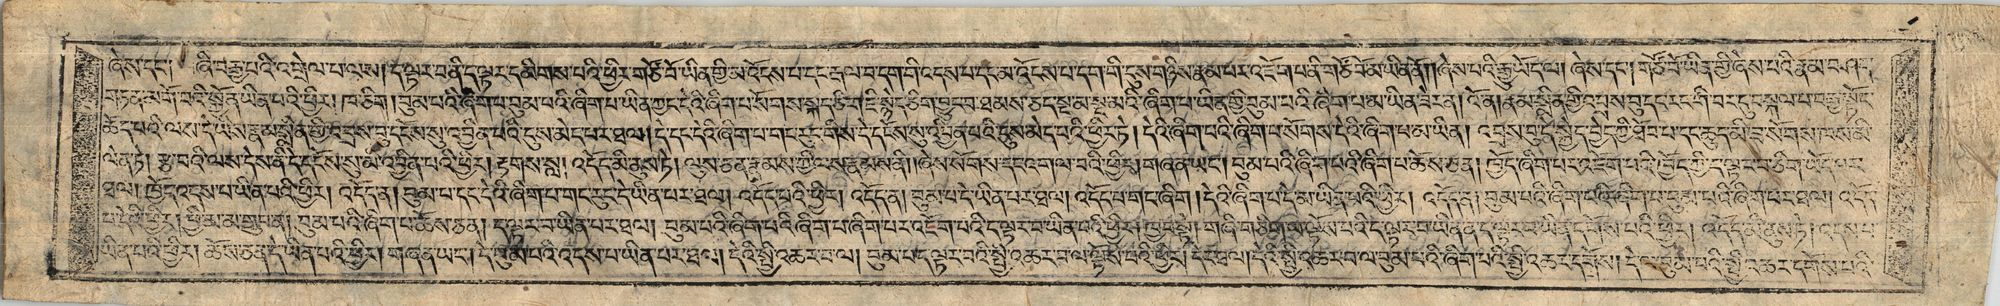ཞེས་དང་། བཞི་བརྒྱ་པའི་འགྲེལ་པ་ལས། ད་ལྟར་བ་ནི་ད་ལྟར་དམིགས་པའི་ཕྱིར་གཙོ་བོ་ཡིན་གྱི་མ་འོངས་པ་དང་རྒལ་བ་དག་གི་འདས་པ་དང་མ་འོངས་པ་དག་གི་དུས་གཉིས་རྣམ་པར་འཇོག་པ་ནི་གཙོ་བོ་མ་ཡིན་ནོ། །ཞེས་པའི་རྒྱུ་ཡོད་ལ། ཞེས་དང་། གཙོ་བོ་ཡིན་གྱི་ཞེས་པའི་རྣམ་བཤད་
གཏན་མགོ་བའི་སྐྱོན་ཡིན་པའི་ཕྱིར། ཁ་ཅིག །བུམ་པའི་ཞིག་པ་བུམ་པའི་ཞིག་པ་ཡིན་ཀྱང་དེའི་ཞིག་པ་སོགས་སྐད་ཅིག་ཇི་སྙེད་ཅིག་བྱུང་བ་ཐམས་ཅད་སྔ་མ་སྔ་མའི་ཞིག་པ་ཡིན་གྱི་བུམ་པའི་ཞིག་པ་མ་ཡིན་ཟེར་ན། འོ་ན། རྣམ་སྨིན་གྱི་འབྲས་བུ་དང་རང་གི་བར་དུ་བསྐལ་པ་བརྒྱ་སྟོང་
ཆོད་པའི་ལས་དེ་ཡིས་རྣམ་སྨིན་གྱི་འབྲས་བུ་དངོས་སུ་འབྱིན་པའི་དུས་མེད་པར་ཐལ། དེ་དང་དེའི་ཞིག་པ་གང་རུང་གིས་དེ་དངོས་སུ་འབྱིན་པའི་དུས་མེད་པའི་ཕྱིར་ཏེ། དེའི་ཞིག་པའི་ཞིག་པ་སོགས་དེའི་ཞིག་པ་མ་ཡིན། འབྲས་བུ་དེ་སྐྱེད་བྱེད་ཀྱི་ཐོབ་པ་དང་ཆུད་མི་ཟ་སོགས་ཁས་མི་
ལེན་ཏེ། རྩ་བའི་ལས་དེས་ནི་དེ་དངོས་སུ་མི་འབྱིན་པའི་ཕྱིར། རྟགས་སླ། འདོད་མི་ནུས་ཏེ། ལུས་ཅན་རྣམས་ཀྱི་ལས་རྣམས་ནི། །ཞེས་སོགས་དང་འགལ་བའི་ཕྱིར། གཞན་ཡང་། བུམ་པའི་ཞིག་པའི་ཞིག་པ་ཆོས་ཅན། ཁྱོད་ཞིག་པར་འཇོག་པའི་ཁྱོད་ཀྱི་ད་ལྟར་བ་ཅིག་ཡོད་པར་
ཐལ། ཁྱོད་འདས་པ་ཡིན་པའི་ཕྱིར། འདོད་ན། བུམ་པ་དང་དེའི་ཞིག་པ་གང་རུང་དེ་ཡིན་པར་ཐལ། འདོད་པའི་ཕྱིར། འདོད་ན། བུམ་པ་དེ་ཡིན་པར་ཐལ། འདོད་པ་གང་ཞིག །དེའི་ཞིག་པ་དེ་མ་ཡིན་པའི་ཕྱིར། འདོད་ན། བུམ་པའི་ཞིག་པའི་ཞིག་པ་བུམ་པའི་ཞིག་པར་ཐལ། འདོད་
པ་དེའི་ཕྱིར། ཕྱི་མ་མ་གྲུབ་ན། བུམ་པའི་ཞིག་པ་ཆོས་ཅན། ད་ལྟར་བ་ཡིན་པར་ཐལ། བུམ་པའི་ཞིག་པའི་ཞིག་པ་ཞིག་པར་འཇོག་པའི་ད་ལྟར་བ་ཡིན་པའི་ཕྱིར། ཁྱབ་སྟེ། གཞི་གཅིག་ལ་ལྟོས་པའི་ད་ལྟར་བ་ཡིན་ན་ད་ལྟར་བ་ཡིན་དགོས་པའི་ཕྱིར། འདོད་མི་ནུས་ཏེ། འདས་པ་
ཡིན་པའི་ཕྱིར། ཆོས་ཅན་དེ་ཡིན་པའི་ཕྱིར། གཞན་ཡང་། དེ་བུམ་པའི་འདས་པ་ཡིན་པར་ཐལ། དེའི་སྤྱི་འཆར་བ་ལ། བུམ་པ་ད་ལྟར་བའི་སྤྱི་འཆར་བ་ལ་ལྟོས་པའི་ཕྱིར། དེར་ཐལ། དེའི་སྤྱི་འཆར་བ་ལ་བུམ་པའི་ཞིག་པའི་སྤྱི་འཆར་དགོས། དེ་ལ་བུམ་པའི་སྤྱི་འཆར་དགོས་པའི་